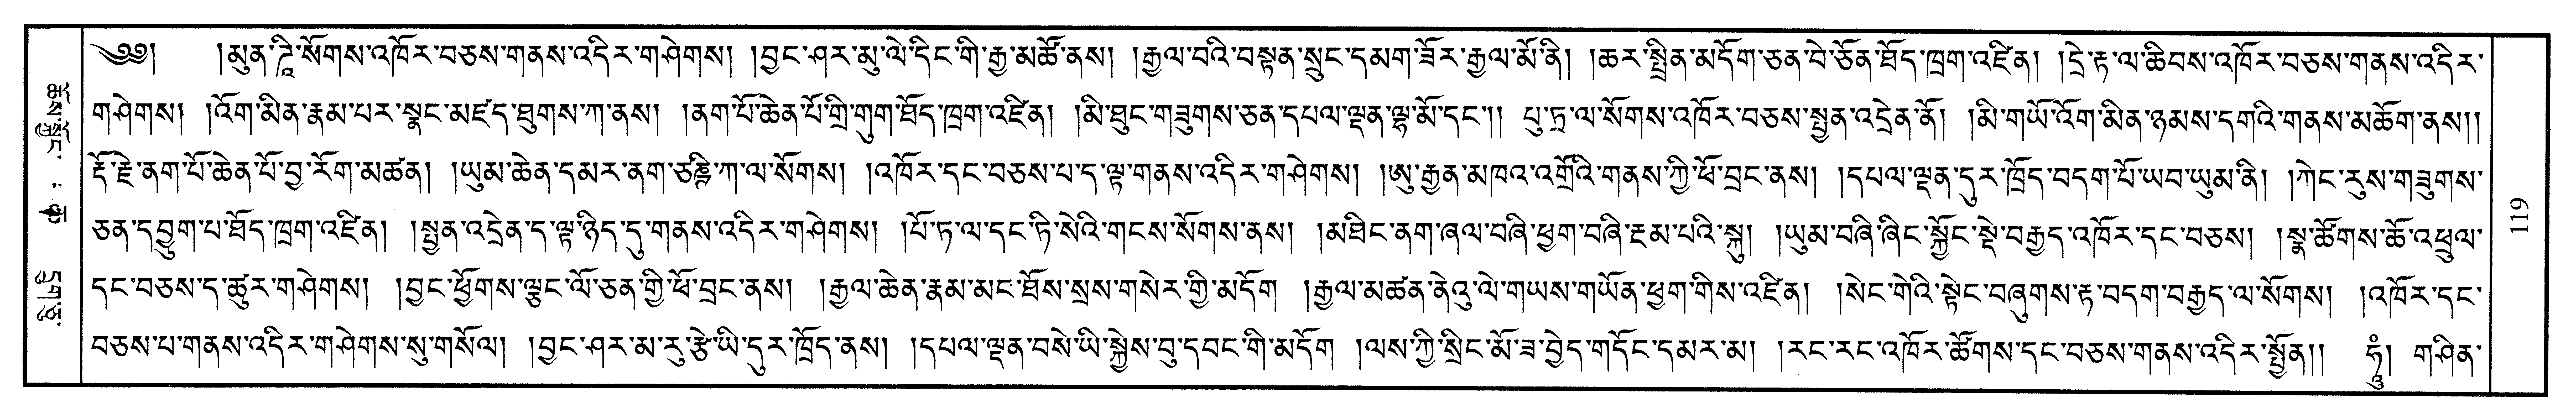༄༅། །མུན་ཌཱི་སོགས་འཁོར་བཅས་གནས་འདིར་གཤེགས། །བྱང་ཤར་མུ་ལེ་དིང་གི་རྒྱ་མཚོ་ནས། །རྒྱལ་བའི་བསྟན་སྲུང་དམག་ཟོར་རྒྱལ་མོ་ནི། །ཆར་སྤྲིན་མདོག་ཅན་བེ་ཅོན་ཐོད་ཁྲག་འཛིན། །དྲེ་རྟ་ལ་ཆིབས་འཁོར་བཅས་གནས་འདིར་
གཤེགས། །འོག་མིན་རྣམ་པར་སྣང་མཛད་ཐུགས་ཀ་ནས། །ནག་པོ་ཆེན་པོ་གྲི་གུག་ཐོད་ཁྲག་འཛིན། །མི་ཐུང་གཟུགས་ཅན་དཔལ་ལྡན་ལྷ་མོ་དང།། པུ་ཏྲ་ལ་སོགས་འཁོར་བཅས་སྤྱན་འདྲེན་ནོ། །མི་གཡོ་འོག་མིན་ཉམས་དགའི་གནས་མཆོག་ནས།།
རྡོ་རྗེ་ནག་པོ་ཆེན་པོ་བྱ་རོག་མཚན། །ཡུམ་ཆེན་དམར་ནག་ཙཎྚི་ཀ་ལ་སོགས། །འཁོར་དང་བཅས་པ་ད་ལྟ་གནས་འདིར་གཤེགས། །ཨུ་རྒྱན་མཁའ་འགྲོའི་གནས་ཀྱི་ཕོ་བྲང་ནས། །དཔལ་ལྡན་དུར་ཁྲོད་བདག་པོ་ཡབ་ཡུམ་ནི། །ཀེང་རུས་གཟུགས་
ཅན་དབྱུག་པ་ཐོད་ཁྲག་འཛིན། །སྤྱན་འདྲེན་ད་ལྟ་ཉིད་དུ་གནས་འདིར་གཤེགས། །པོ་ཏ་ལ་དང་ཏི་སེའི་གངས་སོགས་ནས། །མཐིང་ནག་ཞལ་བཞི་ཕྱག་བཞི་རྔམ་པའི་སྐུ། །ཡུམ་བཞི་ཞིང་སྐྱོང་སྡེ་བརྒྱད་འཁོར་དང་བཅས། །སྣ་ཚོགས་ཆོ་འཕྲུལ་
དང་བཅས་ད་ཚུར་གཤེགས། །བྱང་ཕྱོགས་ལྕང་ལོ་ཅན་གྱི་ཕོ་བྲང་ནས། །རྒྱལ་ཆེན་རྣམ་མང་ཐོས་སྲས་གསེར་གྱི་མདོག །རྒྱལ་མཚན་ནེའུ་ལེ་གཡས་གཡོན་ཕྱག་གིས་འཛིན། །སེང་གེའི་སྟེང་བཞུགས་རྟ་བདག་བརྒྱད་ལ་སོགས། །འཁོར་དང་
བཅས་པ་གནས་འདིར་གཤེགས་སུ་གསོལ། །བྱང་ཤར་མ་རུ་རྩེ་ཡི་དུར་ཁྲོད་ནས། །དཔལ་ལྡན་བསེ་ཡི་སྐྱེས་བུ་དབང་གི་མདོག །ལས་ཀྱི་སྲིང་མོ་ཟ་བྱེད་གདོང་དམར་མ། །རང་རང་འཁོར་ཚོགས་དང་བཅས་གནས་འདིར་སྤྱོན།། ཧཱུཾ། གཤིན་